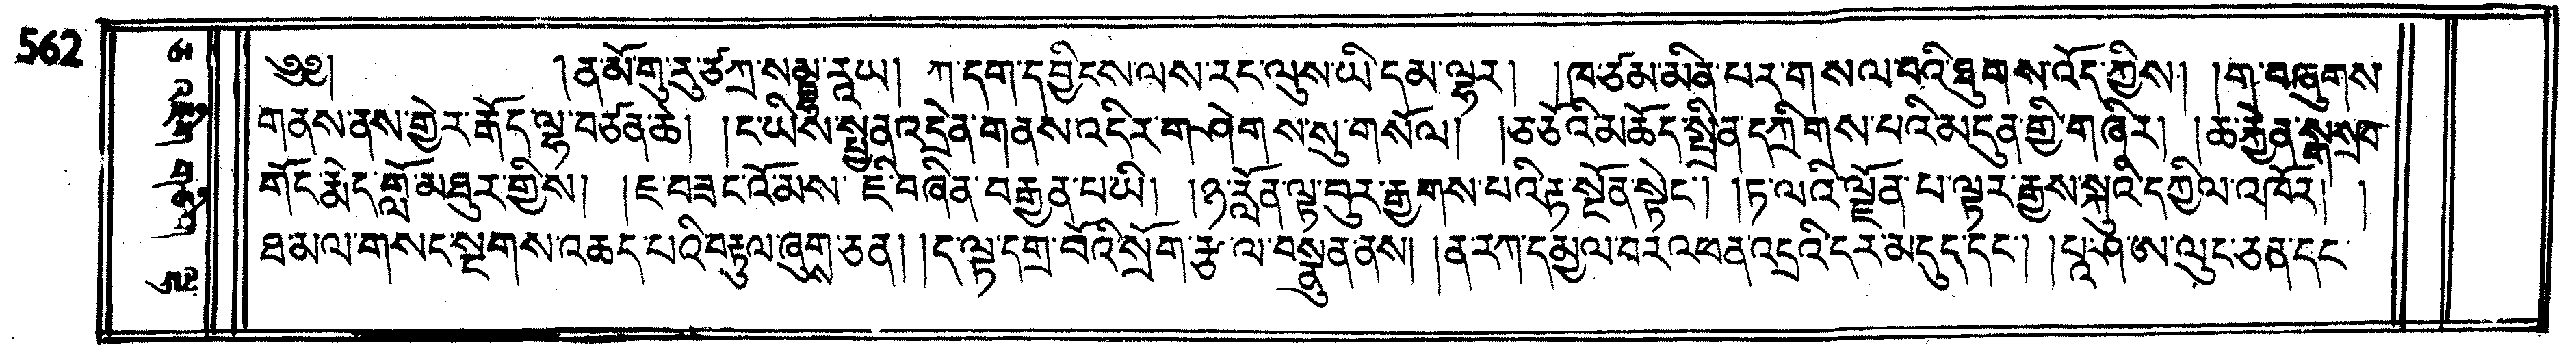༄༅། །ན་མོ་གུ་རུ་ཙཀྲ་སམྦྷ་རཱ་ཡ། ཀ་དག་དབྱིངས་ལས་རང་ལུས་ཡི་དམ་ལྷར། །ཁ་ཙམ་མིན་པར་གསལ་བའི་ཐུགས་འོད་ཀྱིས། །གྲ་བཞུགས་
གནས་ནས་གྱེར་རྒོད་ལྷ་བཙན་ཆེ། །ང་ཡིས་སྤྱན་འདྲེན་གནས་འདིར་གཤེགས་སུ་གསོལ། །ཅ་ཅོའི་མཆོད་སྤྲིན་དཀྲིགས་པའི་མདུན་གྱི་གཞིར། །ཆ་རྐྱེན་སྒ་སྲབ་
གོང་རྨེད་གློ་མཐུར་གྱིས། །ཇ་བཟང་འོ་མས་ཇི་བཞིན་བརྒྱན་པ་ཡི། །ཉ་རློན་ལྟ་བུར་རྒྱགས་པའི་རྟ་སྔོན་སྟེང་། །ཏ་ལའི་ལྗོན་པ་ལྟར་རྒྱས་སྐུའི་དཀྱིལ་འཁོར། །
ཐ་མལ་གསང་སྔགས་འཆད་པའི་བརྟུལ་ཞུགས་ཅན། །ད་ལྟ་དགྲ་བོའི་སྲོག་རྩ་ལ་བསྣུན་ནས། །ན་རཀ་དམྱལ་བར་འཕན་འདྲའི་དར་མདུད་དང་། །པཱ་ཤ་ཨ་ལུང་ཅན་དང་